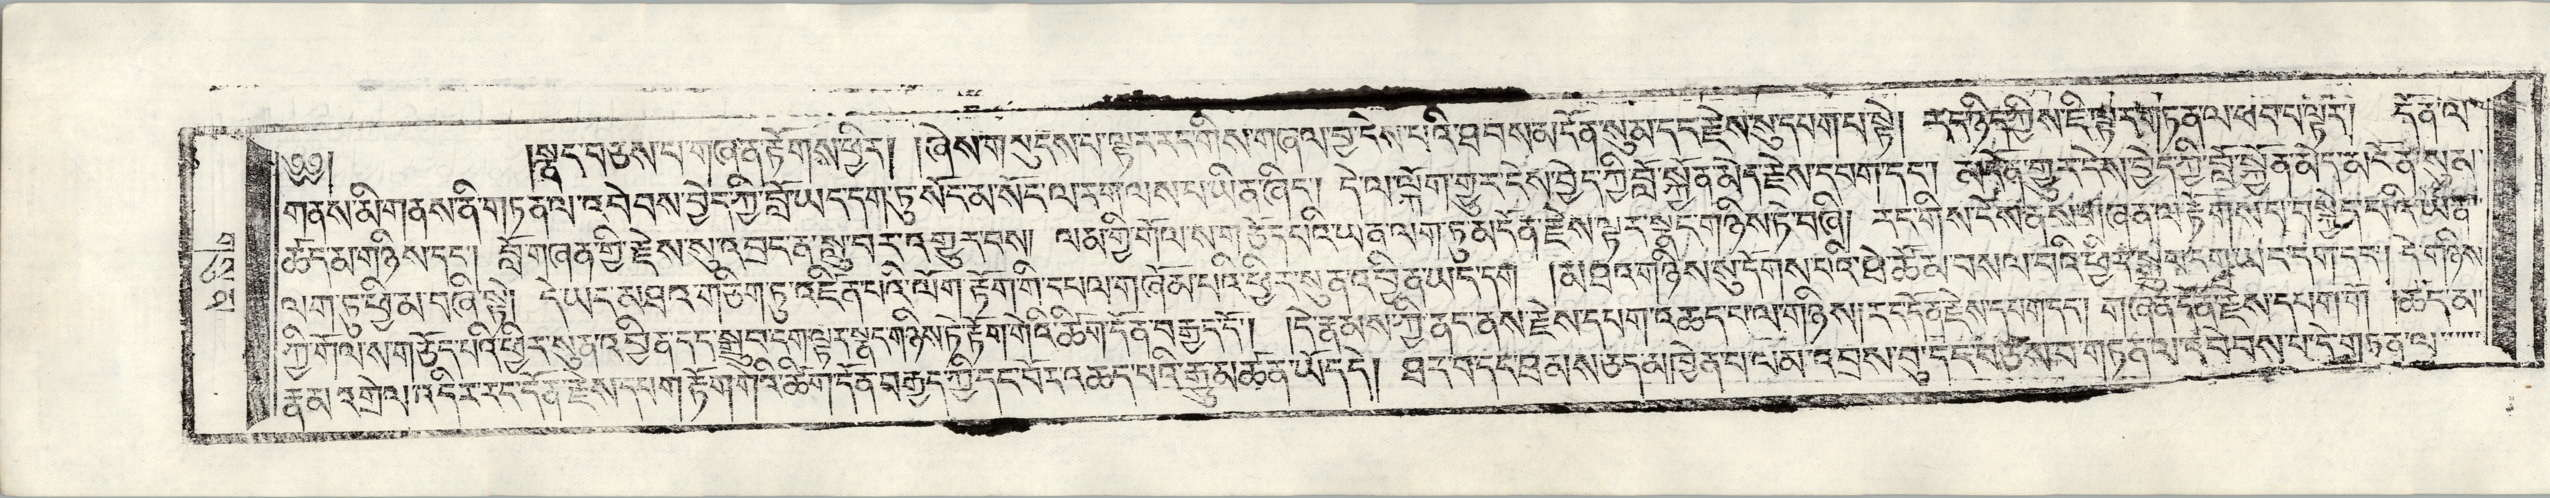༄༅། །སྣང་བཅས་པ་གཞན་རྟོགས་ཕྱིར། །ཞེས་གསུངས་པ་ལྟར་རང་གིས་གཞལ་བྱ་ངེས་པའི་ཐབས་མངོན་སུམ་དང་རྗེས་སུ་དཔག་པ་སྟེ། རང་ཉིད་ཀྱིས་ཇི་ལྟར་གཏན་ལ་ཕབ་པ་ལྟར། དོན་ལ་
གནས་མི་གནས་ནི་གཏན་ལ་འབེབས་བྱེད་ཀྱི་བློ་ཡང་དག་ཏུ་སོང་མ་སོང་ལ་རག་ལས་པ་ཡིན་ཞིང་། དེ་ལ་ལྐོག་གྱུར་ངེས་བྱེད་ཀྱི་བློ་སྐྱོན་མེད་རྗེས་དཔག་དང་། མངོན་གྱུར་ངེས་བྱེད་ཀྱི་བློ་སྐྱོན་མེད་མངོན་སུམ་
ཚད་མ་གཉིས་དང་། བློ་གཞན་གྱི་རྗེས་སུ་འབྲང་ན་སླུ་བར་འགྱུར་བས། ལམ་གྱི་གོལ་ས་གཅོད་པའི་ཡན་ལག་ཏུ་མངོན་རྗེས་ལྟར་སྣང་གཉིས་ཏེ་བཞི། རང་གིས་ངེས་ནས་གཞན་ལ་རྟོགས་པ་བསྐྱེད་པའི་ཡན་
ལག་ཏུ་ཕྱི་མ་བཞི་སྟེ། དེ་ཡང་མཐའ་གཅིག་ཏུ་འཛིན་པའི་ལོག་རྟོག་གི་དཔལ་གཞོམ་པའི་ཕྱིར་སུན་འབྱིན་ཡང་དག །མཐའ་གཉིས་སུ་དོགས་པའི་ཐེ་ཚོམ་བསལ་བའི་ཕྱིར་སྒྲུབ་ངག་ཡང་དག་དང་། དེ་གཉིས་
ཀྱི་གོལ་ས་གཅོད་པའི་ཕྱིར་སུན་འབྱིན་དང་སྒྲུབ་ངག་ལྟར་སྣང་གཉིས་ཏེ་རྟོག་གེའི་ཚིག་དོན་བརྒྱད་དོ། །དེ་རྣམས་ཀྱི་ནང་ནས་རྗེས་དཔག་འཆད་པ་ལ་གཉིས། རང་དོན་རྗེས་དཔག་དང་། གཞན་དོན་རྗེས་དཔག་གོ །ཚད་མ་
རྣམ་འགྲེལ་འདིར་རང་དོན་རྗེས་དཔག་རྟོག་གེའི་ཚིག་དོན་བརྒྱད་ཀྱི་དང་པོར་འཆད་པའི་རྒྱུ་མཚན་ཡོད་དེ། ཐར་བ་དང་ཐམས་ཅད་མཁྱེན་པ་ལམ་འབྲས་བུ་དང་བཅས་པ་གཏན་ལ་འབེབས་པ་དེ་གཏན་ལ་